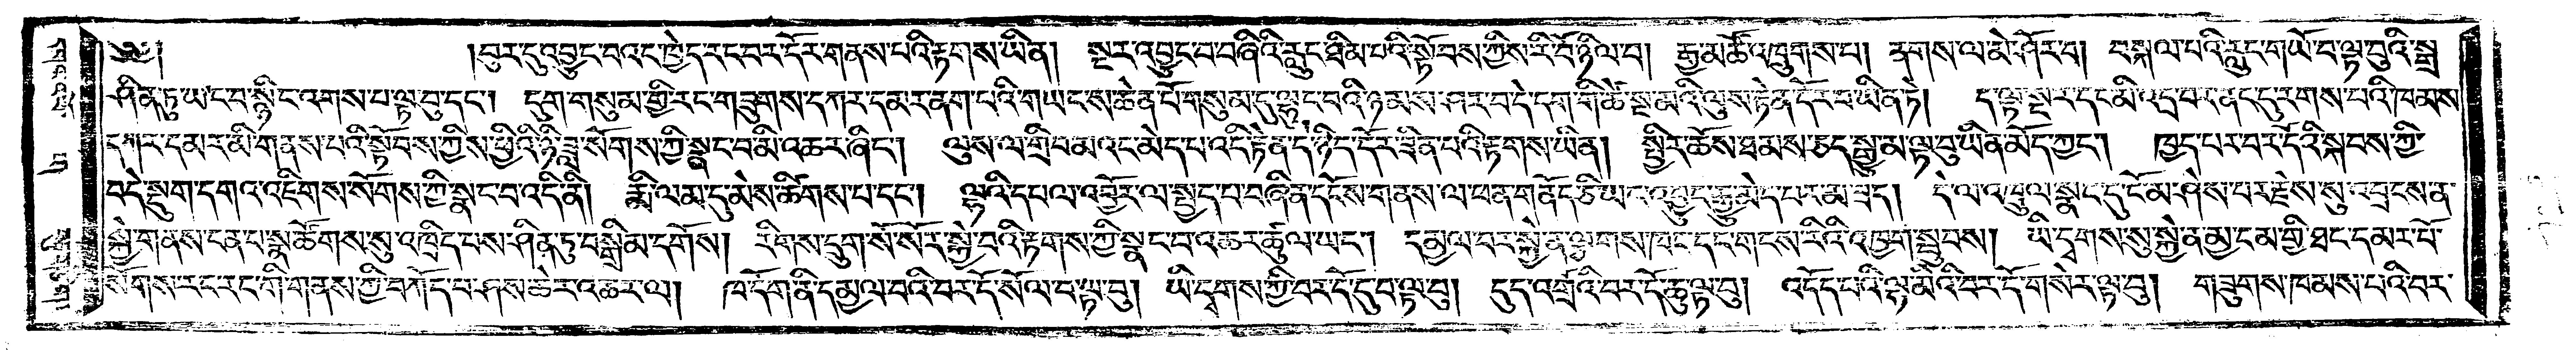༄༅། །བུར་དུ་འབྱུང་བའང་ཕྱེད་རང་བར་དོར་གནས་པའི་རྟགས་ཡིན། སྔར་འབྱུང་བ་བཞིའི་རླུང་ཐིམ་བའི་སྟོབས་ཀྱིས་རི་བོ་ཉིལ་བ། རྒྱ་མཚོ་འཁྲུགས་པ། ནགས་ལ་མེ་ཤོར་བ། བསྐལ་པའི་རླུང་གཡོ་བ་ལྟ་བུའི་སྒྲ་
ཤིན་ཏུ་ཡང་བ་སྙིང་འགས་བལྟ་བུ་དང་། དུག་གསུམ་གྱི་རང་གཟུགས་དཀར་དམར་ནག་པའི་གཡང་ས་ཆེན་པོ་གསུམ་དུ་ལྷུང་བའི་ཉམས་ཤར་བ་དེ་དག་གི་ཚེ་སྔ་མའི་ལུས་རྟེན་དོར་བ་ཡིན་ཏེ། ད་ལྟ་སྔར་དང་མི་འདྲ་བར་ནང་དུ་རགས་པའི་ཁམས་
དཀར་དམར་མི་གནས་པའི་སྟོབས་ཀྱིས་ཕྱིའི་ཡི་ཟླ་སོགས་ཀྱི་སྣང་བ་མི་འཆར་ཞིང་། ལུས་ལ་གྲིབ་མའང་མེད་པ་འདི་རྟེན་དེ་ཉིད་དོར་ཟིན་པའི་རྟགས་ཡིན། སྤྱིར་ཆོས་ཐམས་ཅད་སྒྱུ་མ་ལྟ་བུ་ཡིན་མོད་ཀྱང་། ཁྱད་པར་བར་དོའི་སྐབས་ཀྱི་
བདེ་སྡུག་དགའ་འཇིགས་སོགས་ཀྱི་སྣང་བ་འདི་ནི། རྨི་ལམ་དུ་མེས་ཚིགས་པ་དང་། ལྷའི་དཔལ་འབྱོར་ལ་སྤྱད་པ་བཞིན་དངོས་གནས་ལ་ཕན་གནོད་ཅི་ཡང་འབྱུང་རྒྱུ་མེད་པར་མ་ཟད། དེ་ལ་འཁྲུལ་སྣང་དུ་ངོ་མ་ཤེས་པར་རྗེས་སུ་འབྲངས་ན་
སྐྱེ་གནས་ངན་པ་སྣ་ཚོགས་སུ་འཁྲིད་པས་ཤིན་ཏུ་བསྒྲིམ་དགོས། རིགས་དྲུག་སོ་སོར་སྐྱེ་བའི་རྟགས་ཀྱི་སྣང་བ་འཆར་ཚུལ་ཡང་། དམྱལ་བར་སྐྱེ་ན་ལྕགས་ཁང་དང་གངས་རིའི་འཁྱག་སྤུབས། ཡི་དྭགས་སུ་སྐྱེ་ན་མྱ་ངམ་གྱི་ཐང་དམར་པོ་
སོགས་རང་རང་གི་གནས་ཀྱི་བཀོད་པ་ཤས་ཆེར་འཆར་ལ། ཁ་དོག་ནི་དམྱལ་བའི་བར་དོ་སོལ་བ་ལྟ་བུ། ཡི་དྭགས་ཀྱི་བར་དོ་དུ་བ་ལྟ་བུ། དུད་འགྲོའི་བར་དོ་ཆུ་ལྟ་བུ། འདོད་པའི་ལྷ་མིའི་བ་དོ་གསེར་ལྟ་བུ། གཟུགས་ཁམས་པའི་བར་